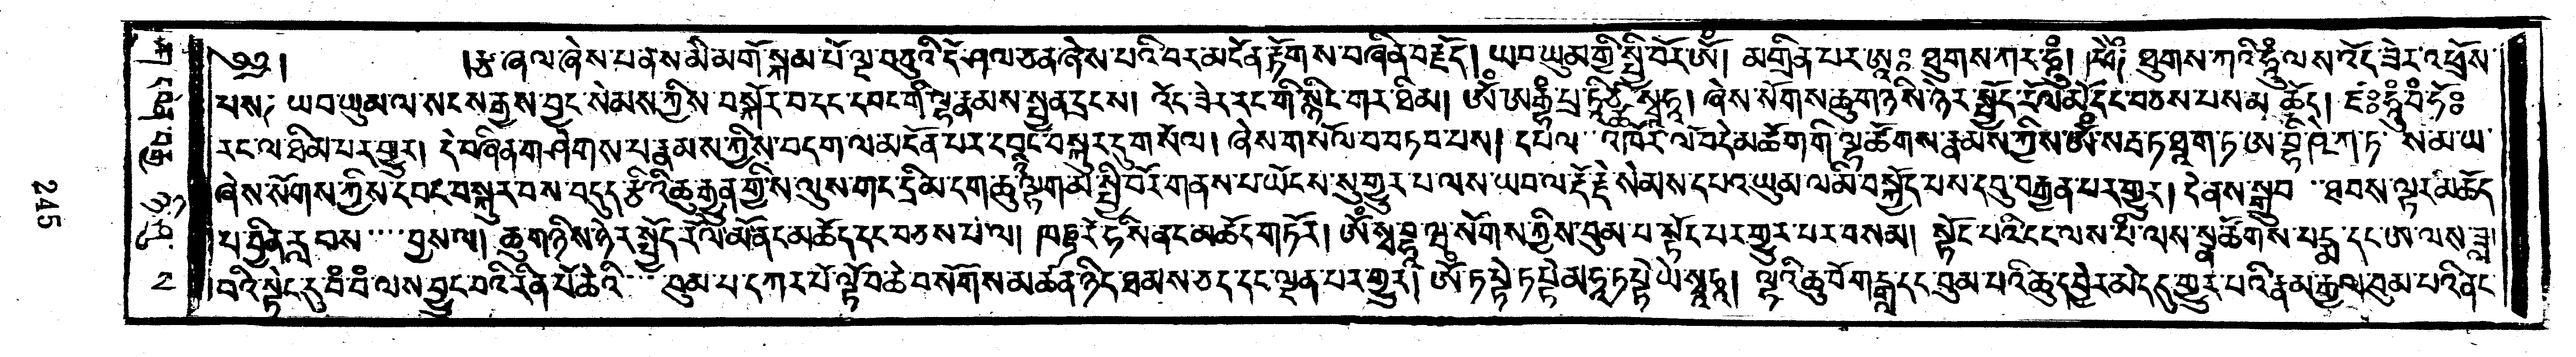༄༅། །རྩ་ཞལ་ཞེས་པ་ནས་མི་མགོ་སྐམ་པོ་ལྔ་བཅུའི་དོ་ཤལ་ཅན་ཞེས་པའི་བར་མངོན་རྟོགས་བཞིན་བརྗོད། ཡབ་ཡུམ་གྱི་སྤྱི་བོར་ཨོཾ། མགྲིན་པར་ཨཱཿ ཐུགས་ཀར་ཧཱུཾ། །ཕཻཾ༑ ཐུགས་ཀའི་ཧཱུཾ་ལས་འོད་ཟེར་འཕྲོས་
པས༑ ཡབ་ཡུམ་ལ་སངས་རྒྱས་བྱང་སེམས་ཀྱིས་བསྐོར་བ་དང་དབང་གི་ལྷ་རྣམས་སྤྱན་དྲངས། འོད་ཟེར་རང་གི་སྙིང་གར་ཐིམ། ཨོཾ་ཨརྒྷཾ་པྲ་ཏཱིཙྪ་སྭཱཧཱ། ཞེས་སོགས་ཆུ་གཉིས་ཉེར་སྤྱོད་རོལ་མོ་དང་བཅས་པས་མཆོད། ཛཿ ཧཱུཾ་བཾ་ཧོཿ
རང་ལ་ཐིམ་པར་གྱུར། དེ་བཞིན་གཤེགས་པ་རྣམས་ཀྱིས་བདག་ལ་མངོན་པར་དབང་བསྐུར་དུ་གསོལ། ཞེས་གསོལ་བ་བཏབ་པས། དཔལ་འཁོར་ལོ་བདེ་མཆོག་གི་ལྷ་ཚོགས་རྣམས་ཀྱིས་ཨོཾ་སརྦ་ཏ་ཐཱ་ག་ཏ་ཨ་བྷི་ཥེ་ཀ་ཏ་ས་མ་ཡ་
ཞེས་སོགས་ཀྱིས་དབང་བསྐུར་བས་བདུད་རྩིའི་ཆུ་རྒྱུན་གྱིས་ལུས་གང་དྲི་མ་དག་ཆུ་ལྷག་མ་སྤྱི་བོར་གནས་པ་ཡོངས་སུ་གྱུར་པ་ལས་ཡབ་ལ་རྡོ་རྗེ་སེམས་དཔའ་ཡུམ་ལ་མི་བསྐྱོད་པས་དབུ་བརྒྱན་པར་གྱུར། དེ་ནས་སྒྲུབ་ཐབས་ལྟར་མཆོད་
པ་བྱིན་རླབས་བྱས་ལ། ཆུ་གཉིས་ཉེར་སྤྱོད་རོལ་མོ་ནང་མཆོད་དང་བཅས་པ་ལ། ཁཎྜ་རོ་ཧིས་ནང་མཆོད་གཏོར། ཨོཾ་སྭ་བྷཱ་ཝ་སོགས་ཀྱིས་བུམ་པ་སྟོང་པར་གྱུར་པར་བསམ། སྟོང་པའི་ངང་ལས་པཾ་ལས་སྣ་ཚོགས་པདམ་དང་ཨ་ལས་ཟླ།
བའི་སྟེང་དུ་བཾ་བཾ་ལས་བྱུང་བའི་རིན་པོ་ཆེའི་བུམ་པ་དཀར་པོ་ལྟོ་བ་ཆེ་བ་སོགས་མཚན་ཉིད་ཐམས་ཅད་དང་ལྡན་པར་གྱུར། ཨོཾ་ཏ་པྟེ་ཏཔྟེ་མཧཱ་ཏཔྟེ་ཡེ་སྭཱཧཱ། ལྷའི་ཆུ་བོ་གངྒཱ་དང་བུམ་པའི་ཆུ་དབྱེར་མེད་དུ་གྱུར་པའི་རྣམ་རྒྱལ་བུམ་པའི་ནང་